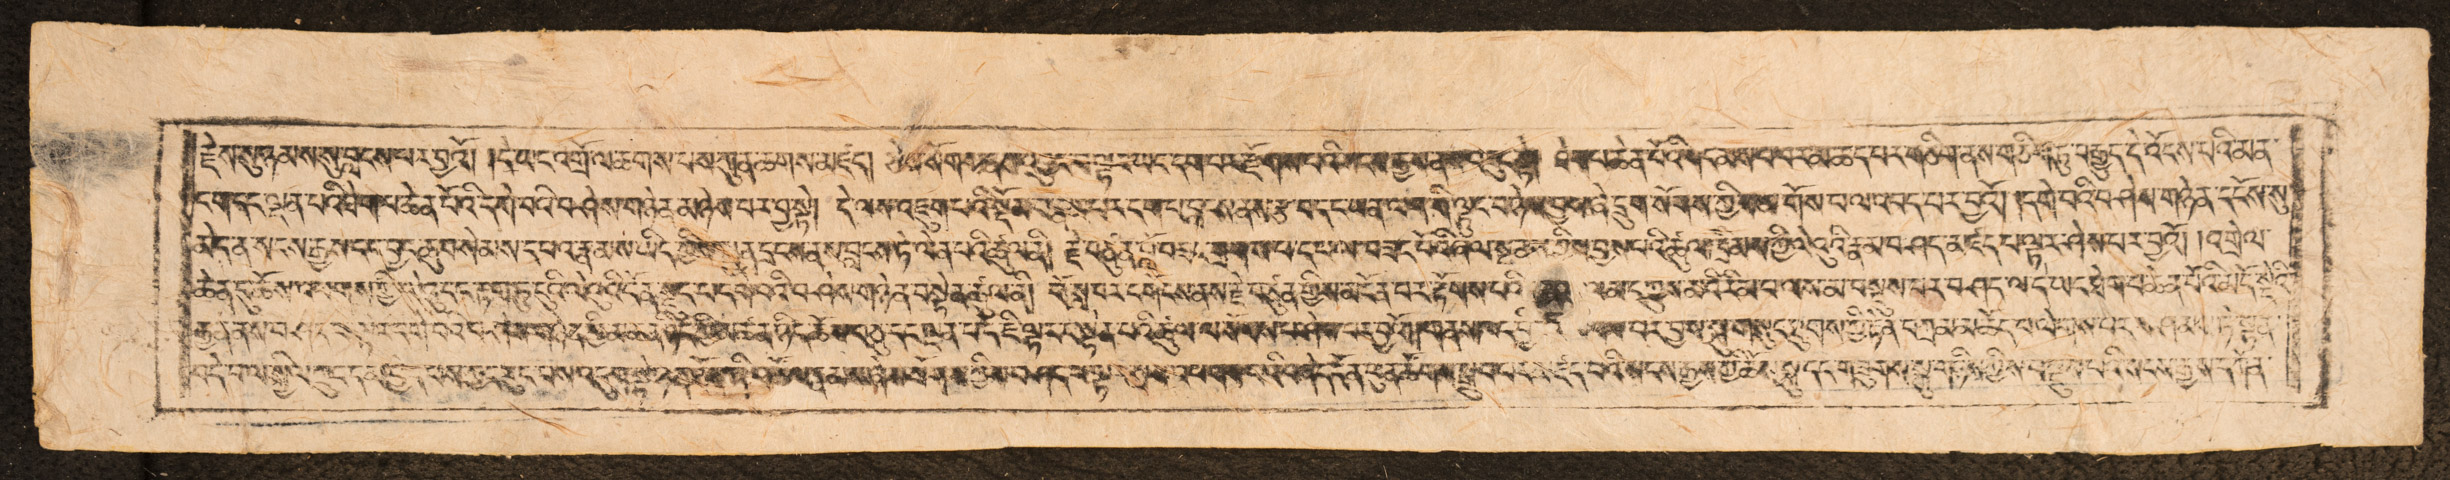རྗེས་སུ་ཉམས་སུ་བླངས་པར་བྱའོ། །དེ་ཡང་འགྲོ་ལ་ཆགས་པས་ཀུན་ཆགས་མཛད། ཅེས་སོགས་ནས་འབྱུང་བ་ལྟར་ཡང་དག་པར་རྫོགས་པའི་སངས་རྒྱས་ནས་བཟུང་སྟེ། ཐེག་པ་ཆེན་པོའི་གདམས་པ་བར་མ་ཆད་པར་གཅིག་ནས་གཅིག་ཏུ་བརྒྱུད་དེ་འོངས་པའི་མན་
དག་དང་ལྡན་པའི་ཐེག་པ་ཆེན་པོའི་དགེ་བའི་བཤེས་གཉེན་མཉེས་པར་བྱ་སྟེ། དེ་ལས་འཇུག་པའི་སྡོམ་པ་རྣམ་པར་དག་པ་བླངས་ནས་རྩ་བ་དང་ཡན་ལག་གི་ལྟུང་བ་ཉེས་བྱས་ཞེ་དྲུག་སོགས་ཀྱིས་མ་གོས་པ་ལ་འབད་པར་བྱའོ། །དགེ་བའི་བཤེས་གཉེན་དངོས་སུ་
མེད་ན་སངས་རྒྱས་དང་བྱང་ཆུབ་སེམས་དཔའ་རྣམས་ཡིད་ཀྱིས་སྤྱན་དྲངས་ནས་བླངས་ཏེ་ལེན་པའི་ཚུལ་ནི། རྗེ་བཙུན་བློ་བཟང་གྲགས་པ་དཔལ་བཟང་པོའི་ཞལ་སྔ་ནས་ཀྱིས་བྱས་པའི་ཚུལ་ཁྲིམས་ཀྱི་ལེའུའི་རྣམ་བཤད་མཛད་པ་ལྟར་ཤེས་པར་བྱའོ། །འགྲེལ་
ཆེན་དུ་ཆོས་འཕགས་ཀྱི་ལེའུ་དང་རྟག་ཏུ་ངུའི་ལེའུའི་དོན་སྡུད་པ་དགེ་བའི་བཤེས་གཉེན་བསྟེན་ཚུལ་ནི། གོ་སླ་བར་དགོངས་ནས་རྗེ་བཙུན་གྱིས་མངོན་པར་རྟོགས་པའི་རྒྱན་དུ་ལམ་དགྱུས་མའི་རིམ་པ་ལས་མ་བསྡུས་པར་བཤད་ལ་དེ་ཡང་ཐེག་པ་ཆེན་པོའི་མདོ་སྡེའི་
རྒྱན་ནས་བཤད་པ་ལྟར་དགེ་བའི་བཤེས་གཉེན་གྱི་མཚན་ཉིད་ཀྱི་མཚན་ཉིད་ཆོས་བཅུ་དང་ལྡན་པ་དེ་ཇི་ལྟར་བསྟེན་པའི་ཚུལ་ལ་སོགས་པ་ཤེས་པར་བྱའོ། །གནས་ཁང་བྱི་དོར་ལེགས་པར་བྱས་སྐུ་གསུང་ཐུགས་ཀྱི་རྟེན་བཀྲམ་མཆོད་པ་ལེགས་པར་བཤམས་ཏེ་སྟན་
བདེ་བ་ལ་སྐྱིལ་ཀྲུང་དམ་ཕྱེད་པས་ཀྱང་རུང་བས་འདུག་སྟེ་ཉན་ཐོས་ཞི་བ་ཚོལ་རྣམས་ཞེས་སོགས་ཀྱིས་བཤད་པ་ལྟར་སྲས་འཕགས་པའི་བཞེད་དོན་ཕུན་ཚོགས་སྒྲུབ་པར་མཛད་པའི་སངས་རྒྱས་ཀྱི་ཆོས་སྐུ་དང་གཟུགས་སྐུ་གཉིས་ཀྱིས་བསྡུས་པའི་སངས་རྒྱས་དཀོན་